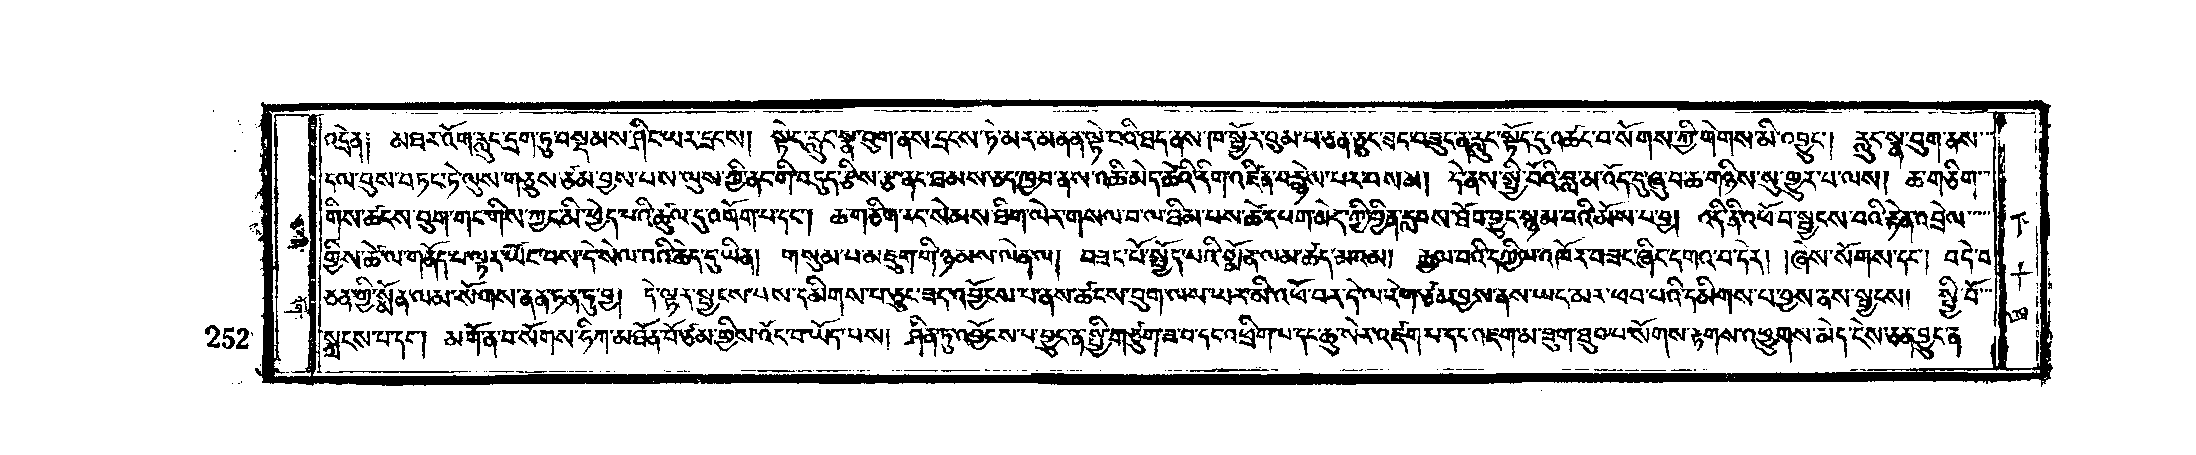འདྲེན། མཐར་འོག་རླུང་དྲག་ཏུ་བསྡམས་ཤིང་ཡར་དྲངས། སྟེང་རླུང་སྣ་བུག་ནས་དྲངས་ཏེ་མར་མནན་ལྟེ་བའི་ཐད་ནས་ཁ་སྦྱོར་བུམ་པ་ཅན་ཅུང་ཟད་བཟུང་ན་རླུང་སྟོད་དུ་འཚང་བ་སོགས་ཀྱི་གེགས་མི་འབྱུང་། རླུང་སྣ་བུག་ནས་
དལ་བུས་བཏང་ཏེ་ལུས་གཅུས་ཙམ་བྱས་པས་ལུས་ཀྱི་ནང་གི་བདུད་རྩིས་རྩ་ནང་ཐམས་ཅད་ཁྱབ་ནས་འཆི་མེད་ཚེའི་རིག་འཛིན་བརྙེས་པར་བསམ། དེ་ནས་སྤྱི་བོའི་བླ་མ་འོད་དུ་ཞུ་བ་ཆ་གཉིས་སུ་གྱུར་པ་ལས། ཆ་གཅིག་
གིས་ཚངས་བུག་གང་གིས་ཀྱང་མི་ཕྱེད་པའི་ཚུལ་དུ་འགོག་པ་དང་། ཆ་གཅིག་རང་སེམས་ཐིག་ལེར་གསལ་བ་ལ་ཐིམ་པས་ཚེ་དཔག་མེད་ཀྱི་བྱིན་རླབས་ཐོབ་བྱུང་སྙམ་པའི་མོས་པ་བྱ། འདི་ནི་འཕོ་བ་སྦྱངས་པའི་རྟེན་འབྲེལ་
གྱིས་ཚེ་ལ་གནོད་པ་ལྟར་ཡོང་བས་དེ་སེལ་བའི་ཆེད་དུ་ཡིན། གསུམ་པ་མཇུག་གི་ཉམས་ལེན་ལ། བཟང་པོ་སྤྱོད་པའི་སྨོན་ལམ་ཚད་མའམ། རྒྱལ་བའི་དཀྱིལ་འཁོར་བཟང་ཞིང་དགའ་བ་དེར། །ཞེས་སོགས་དང་། བདེ་བ་
ཅན་གྱི་སྨོན་ལམ་སོགས་ནན་ཏན་དུ་བྱ། དེ་ལྟར་སྦྱངས་པས་དམིགས་པ་ཅུང་ཟད་འབྱོངས་པ་ནས་ཚངས་བུག་ལས་ཡར་མི་འཕོ་བར་དེ་ལ་རེག་ཙམ་བྱས་ནས་ཡང་མར་ཕབ་པའི་དམིགས་པ་བྱས་ནས་སྦྱངས། སྤྱི་བོ་
སྐྲངས་པ་དང་། མགོན་པ་སོགས་ཧིཀ་མཐོན་པོ་ཙམ་གྱིས་འོང་བ་ཡོད་པས། ཤིན་ཏུ་འབྱོངས་པ་བྱུང་ན་སྤྱི་གཙུག་ཟ་བ་དང་འཕྲིག་པ་དང་ཆུ་སེར་འཛག་པ་དང་འཇག་མ་ཟུག་ཐུབ་པ་སོགས་རྟགས་འཕྱུགས་མེད་ངེས་ཅན་བྱུང་ན་